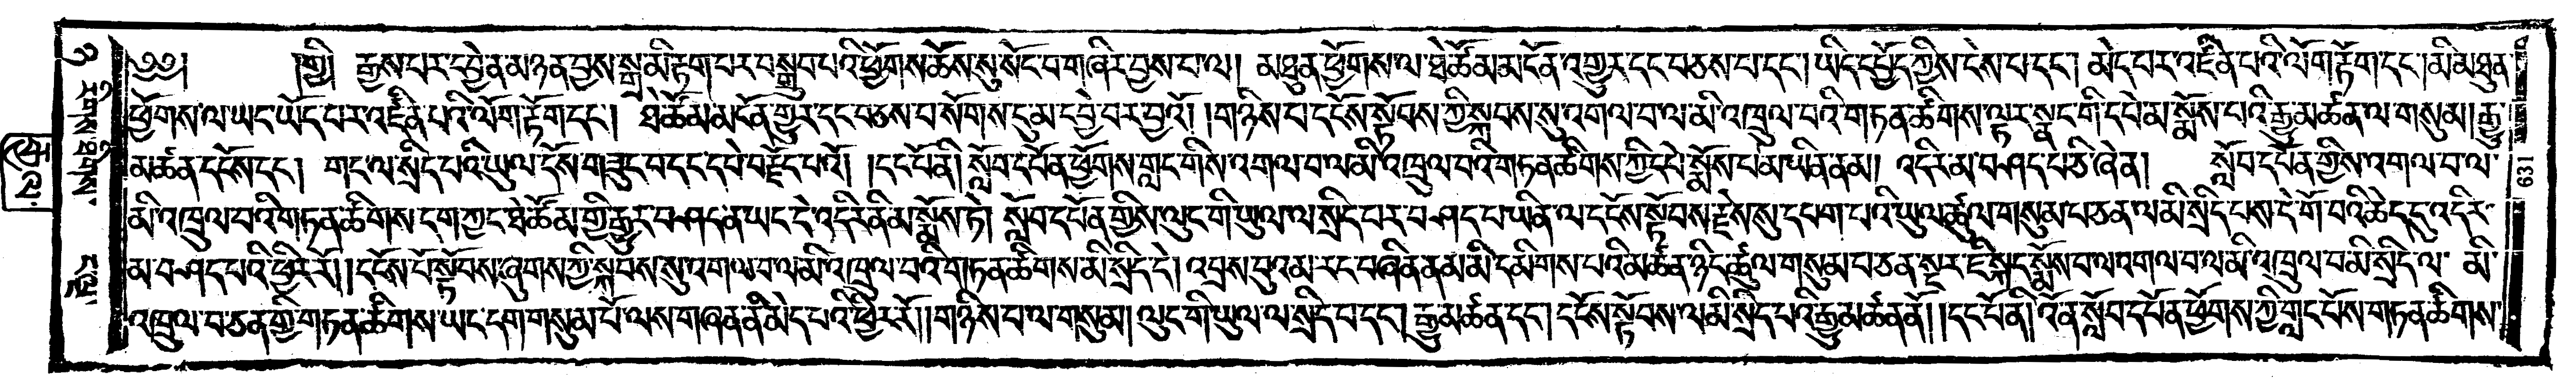༄༅། །གྱི། རྒྱས་པར་དབྱེ་ན་མཉན་བྱས་སྒྲ་མི་རྟག་པར་བསྒྲུབ་པའི་ཕྱོགས་ཆོས་སུ་སོང་བ་གཞིར་བྱས་བ་ལ། མཐུན་ཕྱོགས་ལ་ཐེ་ཚོམ་མངོན་འགྱུར་དང་བཅས་པ་དང་། ཡིད་དཔྱོད་ཀྱིས་ངེས་པ་དང་། མེད་པར་འཛིན་པའི་ལོག་རྟོག་དང་། མི་མཐུན་
ཕྱོགས་ལ་ཡང་ཡོད་པར་འཛིན་པའི་ལོག་རྟོག་དང་། ཐེ་ཚོམ་མངོན་གྱུར་དང་བཅས་པ་སོགས་དུ་མ་དབྱེ་བར་བྱའོ། །གཉིས་བ་དངོས་སྟོབས་ཀྱི་སྐབས་སུ་འགལ་བ་ལ་མི་འཁྲུལ་བའི་གཏན་ཚིགས་ལྟར་སྣང་གི་དཔེ་མ་སྨོས་བའི་རྒྱུ་མཚན་ལ་གསུམ། རྒྱུ་
མཚན་དངོས་དང་། གང་ལ་སྲིད་པའི་ཡུལ་དོས་གཟུང་བ་དང་དཔེ་བརྗོད་པའོ། །དང་པོ་ནི། སློབ་དཔོན་ཕྱོགས་གླང་གིས་འགལ་བ་ལ་མི་འཁྲུལ་བའི་གཏན་ཚིགས་ཀྱི་དཔེ་སྨོས་པ་མ་ཡིན་ནམ། འདིར་མ་བཤད་པ་ཅི་ཞེ་ན། སློབ་དཔོན་གྱིས་འགལ་བ་ལ་
མི་འཁྲུལ་བའི་གཏན་ཚིགས་དག་ཀྱང་ཐེ་ཚོམ་གྱི་རྒྱུར་བཤད་ན་ཡང་དེ་འདིར་ནི་མ་སྨོས་ཏེ། སློབ་དཔོན་གྱིས་ལུང་གི་ཡུལ་ལ་སྲིད་པར་བཤད་པ་ཡིན་ལ་དངོས་སྟོབས་རྗེས་སུ་དཔག་པའི་ཡུལ་ཚུལ་གསུམ་པ་ཅན་ལ་མི་སྲིད་པས་དེ་གོ་བའི་ཆེད་དུ་འདིར་
མ་བཤད་པའི་ཕྱིར་རོ། །དངོས་པོ་སྟོབས་ཞུགས་ཀྱི་སྐབས་སུ་འགལ་བ་ལ་མི་འཁྲུལ་བའི་གཏན་ཚིགས་མི་སྲིད་དེ། འབྲས་བུའམ་རང་བཞིན་ནམ་མི་དམིགས་པའི་མཚན་ཉིད་ཚུལ་གསུམ་པ་ཅན་སྔར་ཇི་སྐད་སྨོས་བ་ལ་འགལ་བ་ལ་མི་འཁྲུལ་བ་མི་སྲིད་ལ་མི་
འཁྲུལ་བ་ཅན་གྱི་གཏན་ཚིགས་ཡང་དག་གསུམ་པོ་ལས་གཞན་ནི་མེད་པའི་ཕྱིར་རོ། །གཉིས་པ་ལ་གསུམ། ལུང་གི་ཡུལ་ལ་སྲིད་པ་དང་། རྒྱུ་མཚན་དང་། དངོས་སྟོབས་ལ་མི་སྲིད་པའི་རྒྱུ་མཚན་ནོ། །དང་པོ་ནི། འོ་ན་སློབ་དཔོན་ཕྱོགས་ཀྱི་གླང་པོས་གཏན་ཚིགས་